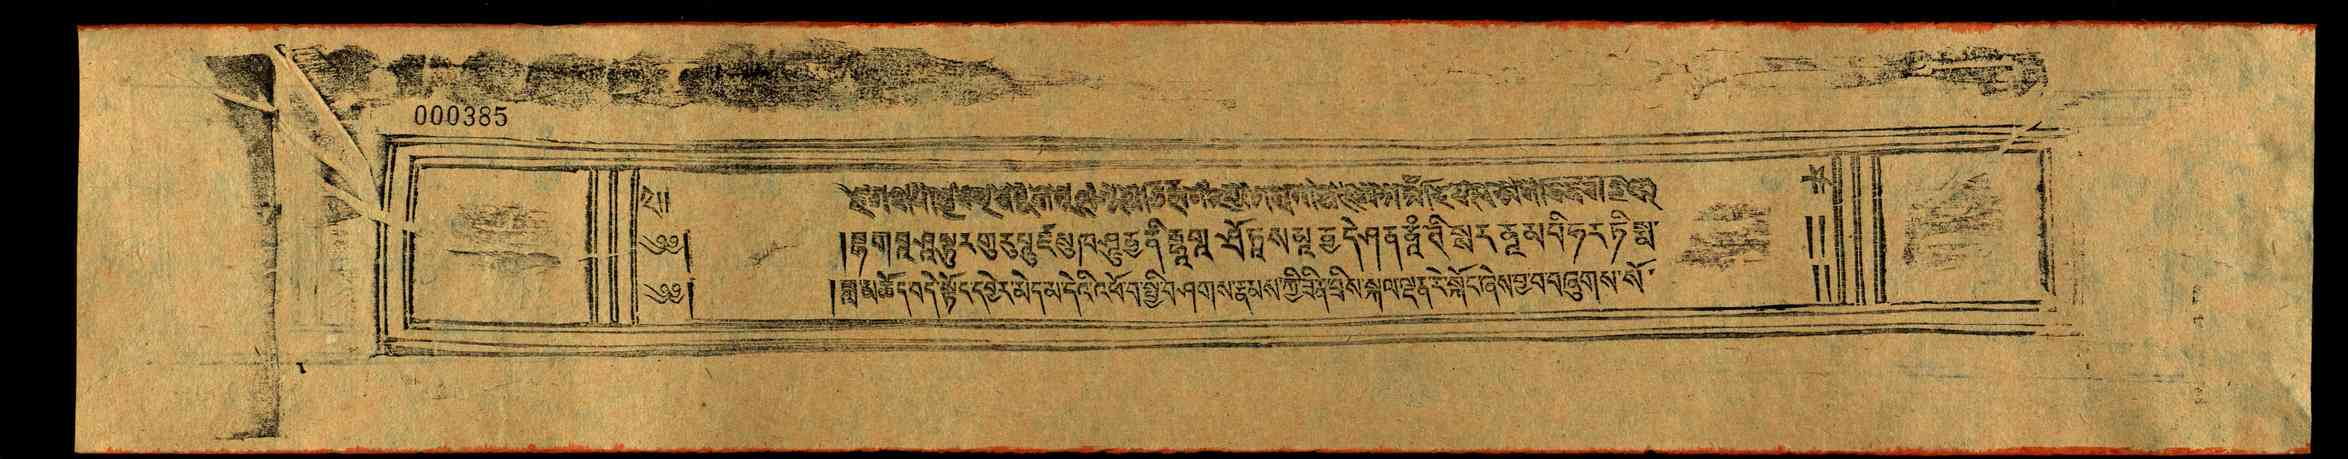ལས
༄༅། །བྷ་ག་བཱ་ཤཱ་སྟུར་གུ་རུ་པཱུ་ཛསུ་ཁ་ཤཱུ་ཉ་ནི་རྦྷཱ་གཱ་ཤྲོ་ཏཱ་ས་མཱ་ཉ་དེ་ཤ་ན་ནཱ་ཊི་སྶ་ར་ནཱ་མ་བི་ཧར་ཏི་སྨ་།
༄༅། །བླ་མཆོད་བདེ་སྟོང་དབྱེར་མེད་མ་དེའི་འཕོ་བ་སྤྱི་བཤགས་རྣམས་ཀྱི་ཟིན་བྲིས་སྐལ་ལྡན་རེ་སྐོང་ཞེས་བྱ་བ་བཞུགས་སོ། །།